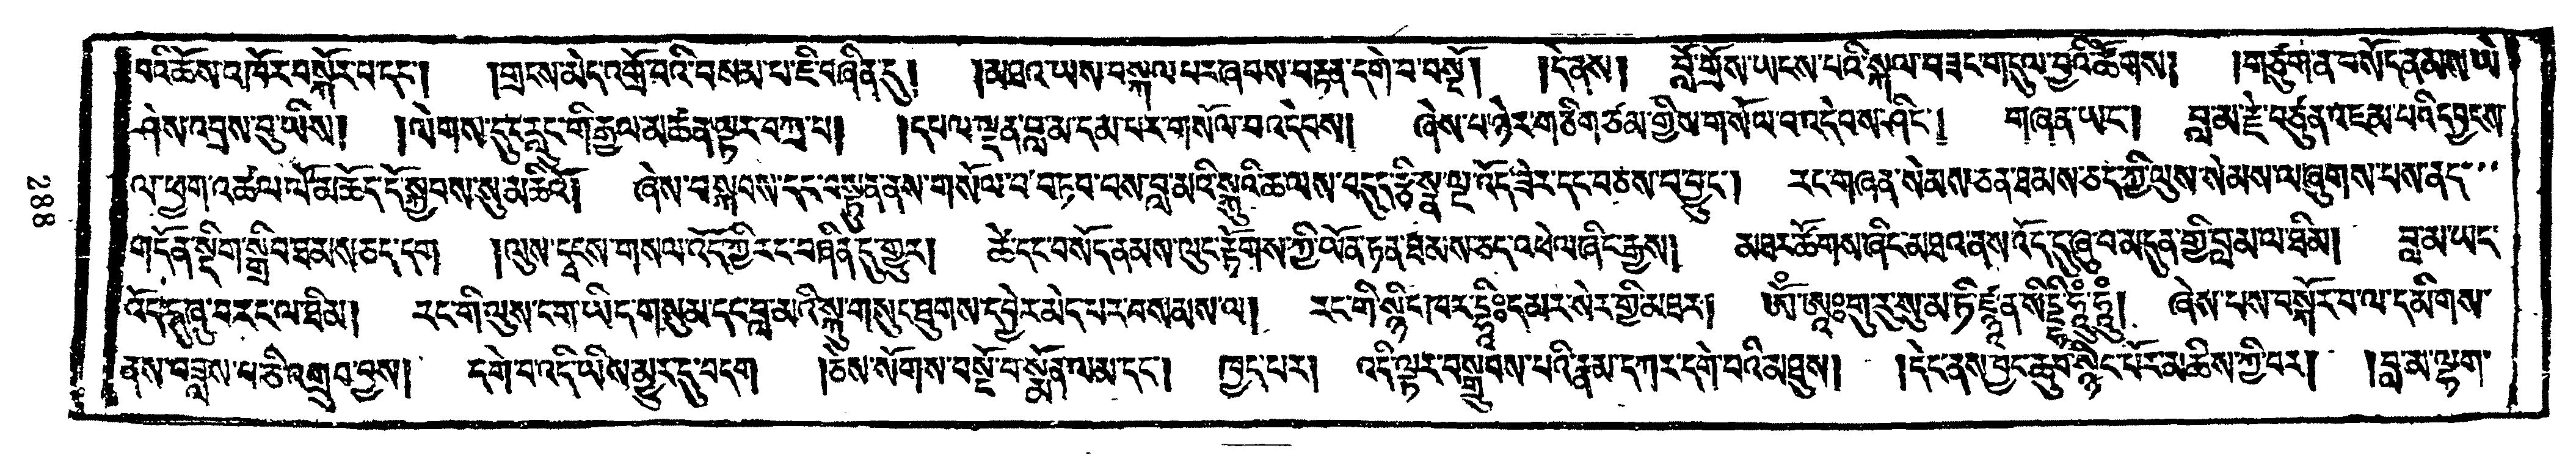བའི་ཆོས་འཁོར་བསྐོར་པ་དང་། །གྲངས་མེད་འགྲོ་བའི་བསམ་པ་ཇི་བཞིན་དུ། །མཐའ་ཡས་བསྐལ་པར་ཞབས་བརྟན་དགེ་བ་བསྔོ། །དེ་ནས། བློ་གྲོས་ཡངས་པའི་སྐལ་བཟང་གདུལ་བྱའི་ཚོགས། །གཙུག་ན་བསོད་ནམས་ཡེ་
ཤེས་འབྲས་བུ་ཡིས། །ལེགས་དུང་རླུང་གི་རྒྱལ་མཚན་ལྟར་བཀྲ་པ། །དཔལ་ལྡན་བླ་མ་དམ་པར་གསོལ་བ་འདེབས། ཞེས་པ་ཉེར་གཅིག་ཙམ་གྱིས་གསོལ་བ་འདེབས་ཤིང་། གཞན་ཡང་། བླ་མ་རྗེ་བཙུན་འཇམ་པའི་དབྱངས་
ལ་ཕྱག་འཚལ་ལོ་མཆོད་དོ་སྐྱབས་སུ་མཆིའོ། །ཞེས་བསྐབས་དང་བསྟུན་ནས་གསོལ་བ་བཏབ་པས་བླ་མའི་སྐུའི་ཆ་ལས་བདུད་རྩི་སྣ་ལྔ་འོད་ཟེར་དང་བཅས་བ་བྱུང་། རང་གཞན་སེམས་ཅན་ཐམས་ཅད་ཀྱི་ལུས་སེམས་ལ་ཞུགས་པས་ནད་
གདོན་སྡིག་སྒྲིབ་ཐམས་ཅད་དག །ལུས་དྭངས་གསལ་འོད་ཀྱི་རང་བཞིན་དུ་གྱུར། ཚེ་དང་བསོད་ནམས་ལུང་རྟོགས་ཀྱི་ཡོན་ཏན་ཐམས་ཅད་འཕེལ་ཞིང་རྒྱས། མཐར་ཚོགས་ཞིང་མཐའ་ནས་འོད་དུ་ཞུ་བ་མདུན་གྱི་བླ་མ་ལ་ཐིམ། བླ་མ་ཡང་
འོད་དུ་ཞུ་བ་རང་ལ་ཐིམ། རང་གི་ལུས་ངག་ཡིད་གསུམ་དང་བླ་མའི་སྐུ་གསུང་ཐུགས་དབྱེར་མེད་པར་བསམས་ལ། རང་གི་སྙིང་ཁར་དྷཱིཿདམར་སེར་གྱི་མཐར། ཨོཾ་ཨཱཿགུ་རུ་སུ་མ་ཏི་ཛྙཱ་ན་སིདྡྷི་ཧཱུཾ་ཧཱུཾ། ཞེས་པས་བསྐོར་བ་ལ་དམིགས་
ནས་བཟླས་པ་ཅི་འགྲུབ་བྱས། དགེ་བ་འདི་ཡིས་མྱུར་དུ་བདག །ཅེས་སོགས་བསྔོ་བ་སྨོན་ལམ་དང་། ཁྱད་པར། འདི་ལྟར་བསྒྲུབས་པའི་རྣམ་དཀར་དགེ་བའི་མཐུས། །དེང་ནས་བྱང་ཆུབ་སྙིང་པོར་མཆིས་ཀྱི་བར། །བླ་མ་ལྷག་